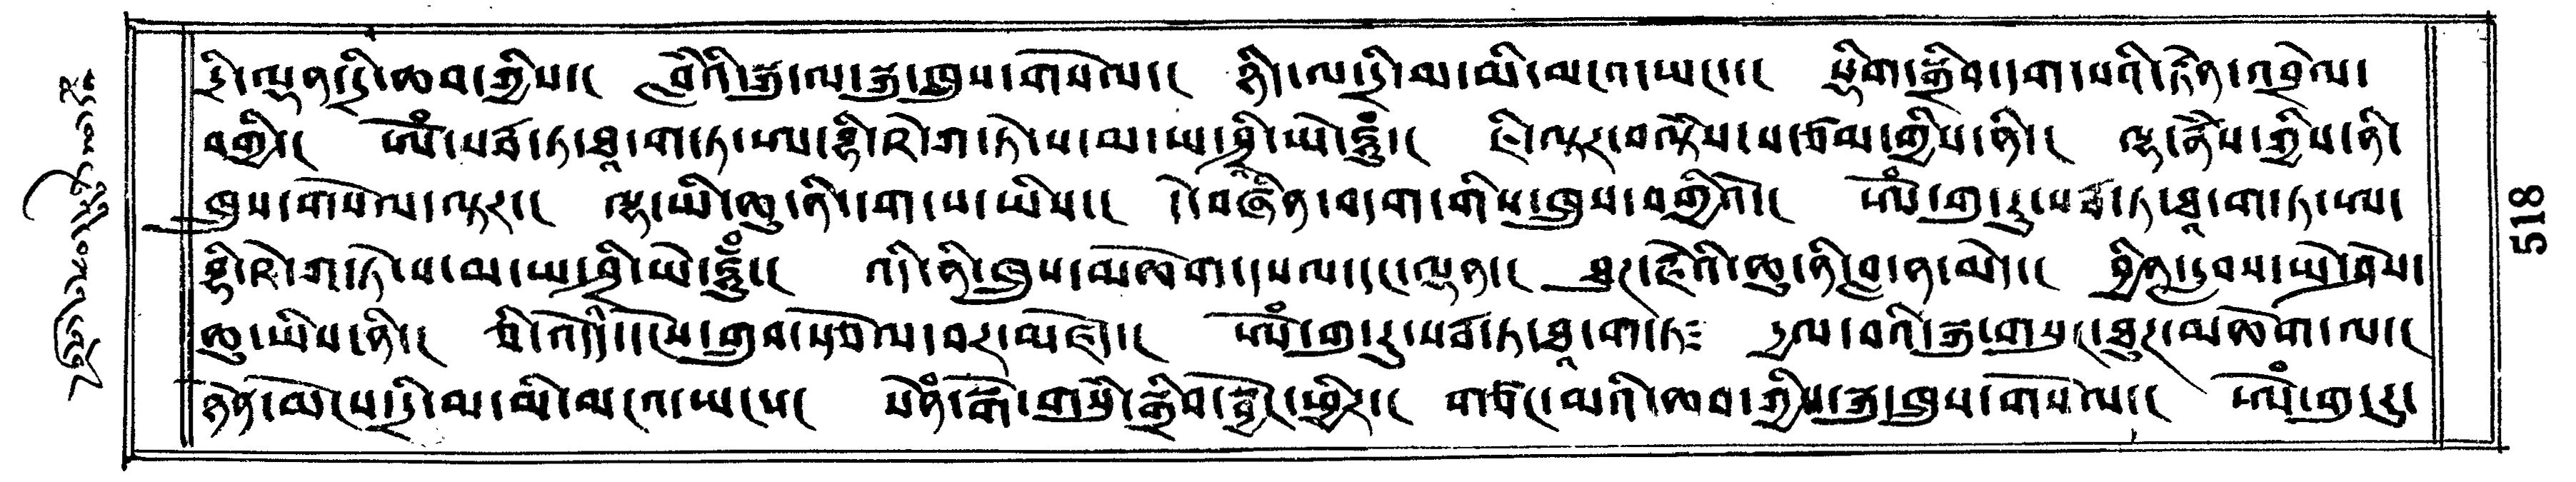དྲི་ལྡན་དྲི་ཆབ་ཀྱིས། །བླ་མའི་སྐུ་ལ་སྐུ་ཁྲུས་གསོལ། །ཉིད་ལ་དྲི་མ་མི་མངའ་ཡང་། །སྡིག་སྒྲིབ་དག་པའི་རྟེན་འབྲེལ་
བགྱི།ཨོཾ་སརྦ་ཏ་ཐཱ་ག་ཏ་ཨ་བྷི་རི་ཀ་ཏེ་ས་མ་ཡ་ཤྲཱི་ཡེ་ཧཱུྃ། །ཇི་ལྟར་བལྟམས་པ་ཙམ་གྱིས་ནི། །ལྷ་རྣམས་ཀྱིས་ནི་
ཁྲུས་གསོལ་ལྟར། །ལྷ་ཡི་ཆུ་ནི་དག་པ་ཡིས། །དེ་བཞིན་བདག་གིས་ཁྲུས་བགྱིའོ། ཨོཾ་གུ་རུ་སརྦ་ཏ་ཐཱ་ག་ཏ་ཨ་
བྷི་རི་ཀ་ཏེ་ས་མ་ཤྲཱི་ཡེ་ཧཱུྃ། འདི་ནི་ཁྲུས་མཆོག་དཔལ་དང་ལྡན། །ཐུགས་རྗེའི་ཆུ་ནི་བླ་ན་མེད། །བྱིན་རླབས་ཡེ་ཤེས་
ཆུ་ཡིས་ནི། །ཅི་འདོད་དངོས་གྲུབ་སྩོལ་བར་མཛོད། ཨོཾ་གུ་རུ་སརྦ་ཏ་ཐཱ་ག་ཏ༴ རྒྱལ་བའི་སྐུ་གསུང་ཐུགས་མཆོག་ལ། །
ཉོན་མོངས་དྲི་མ་མི་མངའ་ཡང་། །སེམས་ཅན་སྒོ་གསུམ་སྒྲིབ་སྦྱོང་ཕྱིར། །གཙང་མའི་ཆབ་ཀྱིས་སྐུ་ཁྲུས་གསོལ། ཨོཾ་གུ་རུ་